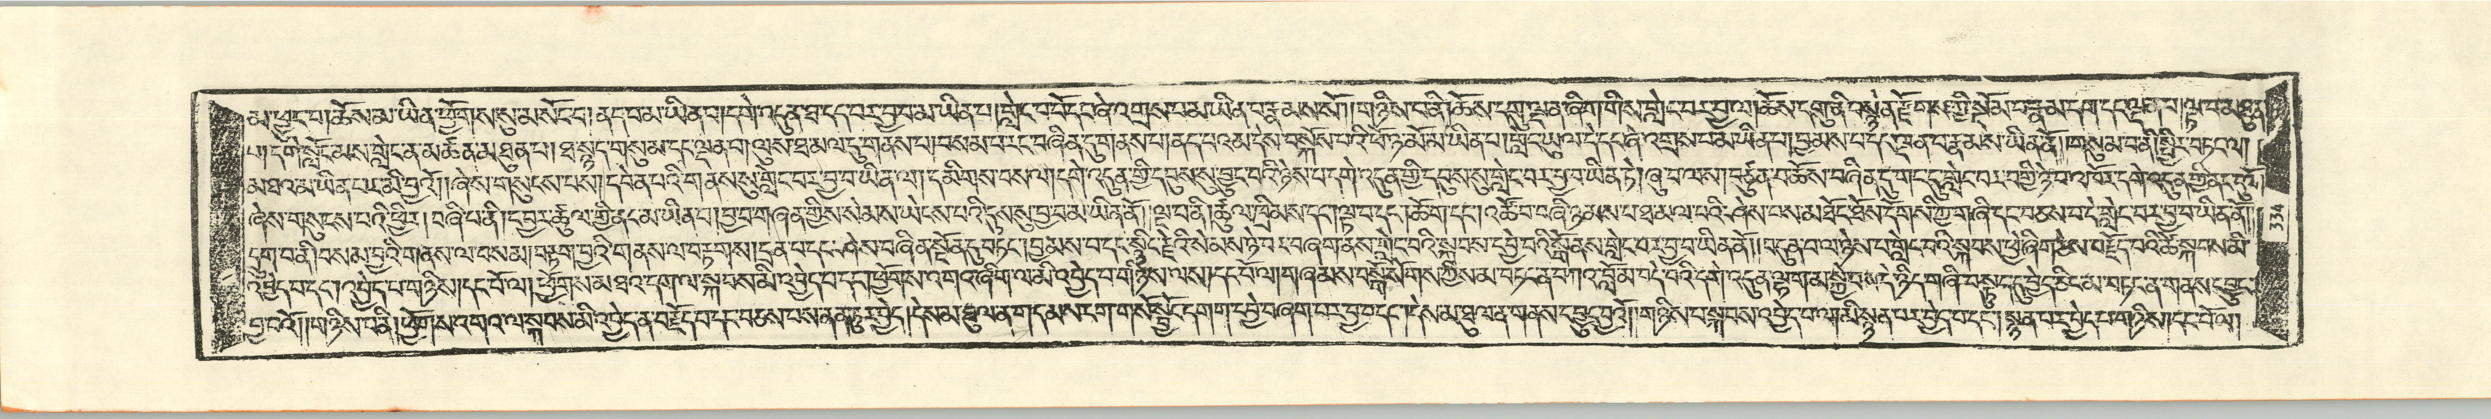མ་ཕྱུང་བ། ཆོས་མ་ཡིན་ཕྱོགས་སུ་མ་སོང་བ། ནད་པ་མ་ཡིན་པ། དགེ་འདུན་ཐ་དད་པར་བྱ་བ་མ་ཡིན་པ། གླེང་བ་པོ་དང་ཞེ་འགྲས་པ་མ་ཡིན་པ་རྣམས་སོ། །གཉིས་པ་ནི། ཆོས་དགུ་ལྡན་ཞིག་གིས་གླེང་བར་བྱ་ལ། ཆོས་དགུ་ནི་བསྙེན་རྫོགས་ཀྱི་སྡོམ་པ་རྣམ་དག་དང་ལྡན་པ། ལྟ་བ་མཐུན་
པ། དགེ་སློང་མས་གླེང་ན་མཚན་མཐུན་པ། ཐ་སྙད་གསུམ་དང་ལྡན་པ། ལུས་ཐ་མལ་དུ་གནས་པ། བསམ་པ་རང་བཞིན་དུ་གནས་པ། ནད་པའམ་དེས་བསྐོས་པའི་ཕོ་ཉ་མོ་མ་ཡིན་པ། གླེང་ཡུལ་དེ་དང་ཞེ་འགྲས་པ་མ་ཡིན་པ། བྱམས་པ་དང་ལྡན་པ་རྣམས་ཡིན་ནོ། །གསུམ་པ་ནི། སྤྱིར་བཏང་ལ། །
མཐའ་མ་ཡིན་པར་མི་བྱའོ། །ཞེས་གསུངས་པས། དབེན་པའི་གནས་སུ་གླེང་བར་བྱ་བ་ཡིན་ལ། དམིགས་བསལ། དགེ་འདུན་གྱི་དབུས་སུ་བྱུང་བའི་ཉེས་པ་དགེ་འདུན་གྱི་དབུས་སུ་གླེང་བར་བྱ་བ་ཡིན་ཏེ། ཞུ་བ་ལས། བཙུན་བ་ཆོས་བཞིན་དུ་གང་དུ་གླེང་བར་བགྱི་ཉེ་བ་འཁོར་དགེ་འདུན་གྱི་ནང་དུའོ།
ཞེས་གསུངས་པའི་ཕྱིར། བཞི་པ་ནི། དབྱར་ཚུལ་གྱི་ནང་མ་ཡིན་པ། བྱ་བ་གཞན་གྱིས་སེམས་ཡེངས་པའི་དུས་སུ་བྱ་བ་མ་ཡིན་ནོ། །ལྔ་པ་ནི། ཚུལ་ཁྲིམས་དང་། ལྟ་བ་དང་། ཆོ་ག་དང་། འཚོ་བ་བཞི་ཉམས་པ་ཐ་མལ་པའི་ཤེས་པས་མཐོང་ཐོས་དོགས་ཀྱི་གཞི་དང་བཅས་པ་དེ་གླེང་བར་བྱ་བ་ཡིན་ནོ། །
དྲུག་པ་ནི། བསམ་བྱའི་གནས་ལ་བསམ། བརྟག་བྱའི་གནས་ལ་བརྟགས། དྲན་པ་དང་ཤེས་བཞིན་སྔོན་དུ་བཏང་། བྱམས་པ་དང་སྙིང་རྗེའི་སེམས་ཉེ་བར་བཞག་ནས་གླེང་བའི་སྐབས་དབྱེ་བའི་སྒོ་ནས་གླེང་བར་བྱ་བ་ཡིན་ནོ། །བདུན་པ་ལ་ཉེས་པ་གླེང་བའི་སྐབས་ཕྱེ་ཞིག་ཅེས་བརྗོད་པའི་ཚེ་སྐབས་མི་
འབྱེད་པ་དང་། འབྱེད་པ་གཉིས། དང་པོ་ལ། ཕྱོགས་མཐའ་དག་ལ་སྐབས་མི་འབྱེད་པ་དང་། ཕྱོགས་འགའ་ཞིག་ལ་མི་འབྱེད་པ་གཉིས་ལས། དང་པོ་ལ། གཞམས་བསྒོ་སོགས་ཀྱིས་མ་བཏང་ན་བཀའ་བློ་མ་བདེ་བའི་དགེ་འདུན་ལྷག་མ་སྐྱེ་བས་དེ་ཉིད་གཞི་བསྟུད་དུ་བྱེད་ཅིང་མ་བཏང་ན་གནས་དབྱུང་
བྱ་བའོ། །གཉིས་པ་ནི། ཕྱོགས་འགའ་ལ་སྐབས་མི་འབྱེད་ན་བརྗོད་པ་དང་བཅས་པས་ནན་ཏུར་བྱེད། དེས་མ་ཐུལ་ན་གདམས་ངག་གསོ་སྦྱོང་དགག་དབྱེ་བཞག་པར་བྱ་བ་དང་། དེས་མ་ཐུལ་ན་གནས་དབྱུང་བྱའོ། །གཉིས་པ་སྐབས་འབྱེད་པ་ལ། མི་སྙན་པར་བྱེད་པ་དང་། སྙན་པར་བྱེད་པ་གཉིས། དང་པོ་ལ།